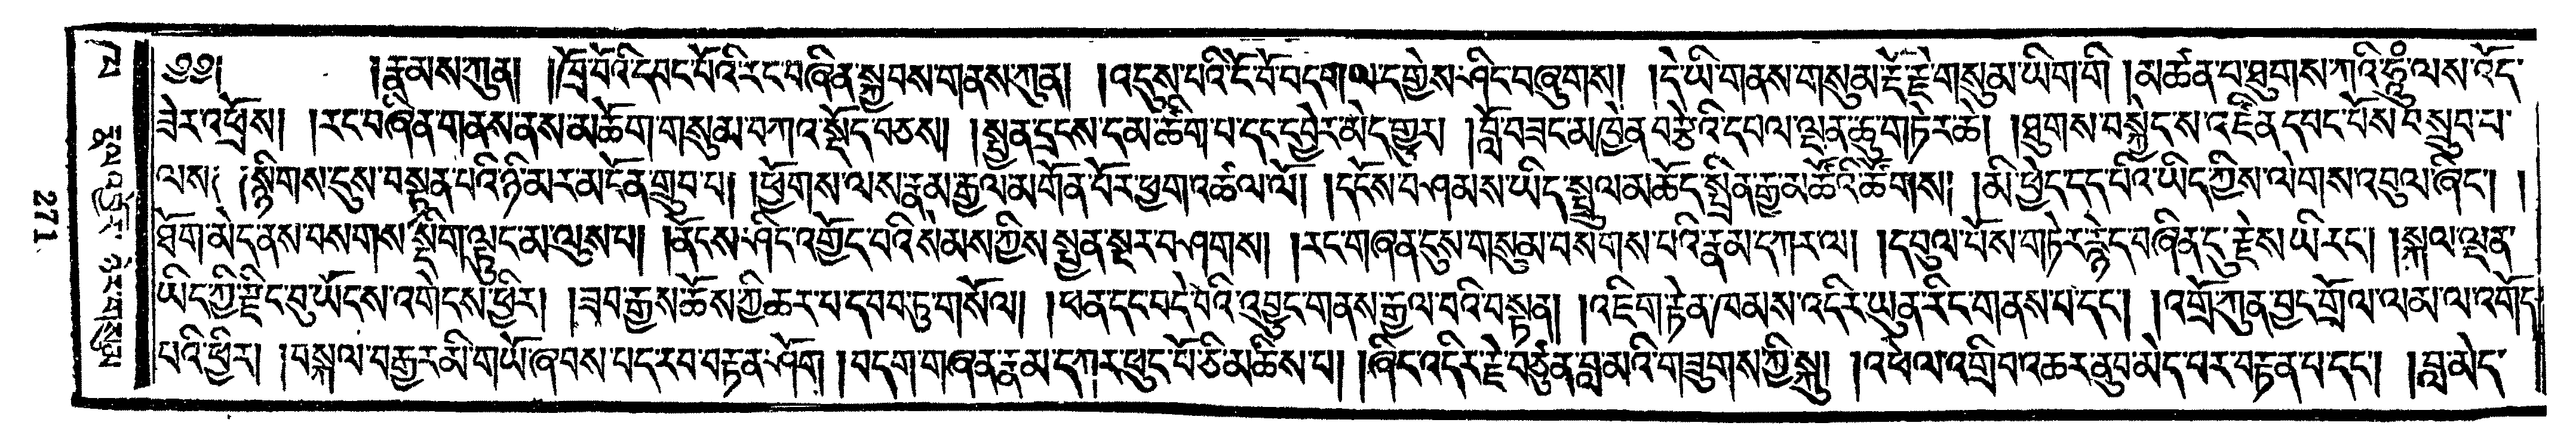༄༅། །རྣམས་ཀུན། །ཁྲོ་བོའི་དབང་པོའི་རང་བཞིན་སྐྱབས་གནས་ཀུན། །འདུས་པའི་ངོ་བོ་བདག་ལ་དགྱེས་ཤིང་བཞུགས། །དེ་ཡི་གནས་གསུམ་རྡོ་རྗེ་གསུམ་ཡིག་གི །མཚན་པ་ཐུགས་ཀའི་ཧཱུཾ་ལས་འོད་
ཟེར་འཕྲོས། །རང་བཞིན་གནས་ནས་མཆོག་གསུམ་བཀའ་སྡོད་བཅས། །སྤྱན་དྲངས་དམ་ཚིག་པ་དང་དབྱེར་མེད་གྱུར། །བློ་བཟང་མཁྱེན་བརྩེའི་དཔལ་ལྡན་ཆུ་གཏེར་ཆེ། །ཐུགས་བསྐྱེད་ས་འཛིན་དབང་པོས་བསྲུབ་པ་
ལས༑ ༑སྙིགས་དུས་བསྟན་པའི་ཉི་མར་མངོན་གྲུབ་པ། །ཕྱོགས་ལས་རྣམ་རྒྱལ་མགོན་པོར་ཕྱག་འཚལ་ལོ། །དངོས་བཤམས་ཡིད་སྤྲུལ་མཆོད་སྤྲིན་རྒྱ་མཚོའི་ཚོགས། །མི་ཕྱེད་དད་པའི་ཡིད་ཀྱིས་ལེགས་འབུལ་ཞིང་། །
ཐོག་མེད་ནས་བསགས་སྡིག་ལྟུང་མ་ལུས་པ། །ནོངས་ཤིང་འགྱོད་པའི་སེམས་ཀྱིས་སྤྱན་སྔར་བཤགས། །རང་གཞན་དུས་གསུམ་བསགས་པའི་རྣམ་དཀར་ལ། །དབུལ་པོས་གཏེར་རྙེད་བཞིན་དུ་རྗེས་ཡི་རང་། །སྐལ་ལྡན་
ཡིད་ཀྱི་རྫིང་བུ་ཡོངས་འགེངས་ཕྱིར། །ཟབ་རྒྱས་ཆོས་ཀྱི་ཆར་པ་དབབ་ཏུ་གསོལ། །ཕན་དང་བདེ་བའི་འབྱུང་གནས་རྒྱལ་བའི་བསྟན། །འཇིག་རྟེན་ཁམས་འདིར་ཡུན་རིང་གནས་པ་དང་། །འགྲོ་ཀུན་བྱང་གྲོལ་ལམ་ལ་འགོད་
པའི་ཕྱིར། །བསྐལ་བརྒྱར་མི་གཡོ་ཞབས་པད་རབ་བརྟན་ཤོག །བདག་གཞན་རྣམ་དཀར་ཕུང་པོ་ཅི་མཆིས་པ། །ཞིང་འདིར་རྗེ་བཙུན་བླ་མའི་གཟུགས་ཀྱི་སྐུ། །འཕེལ་འགྲིབ་འཆར་ནུབ་མེད་པར་བརྟན་པ་དང་། །བླ་མེད་